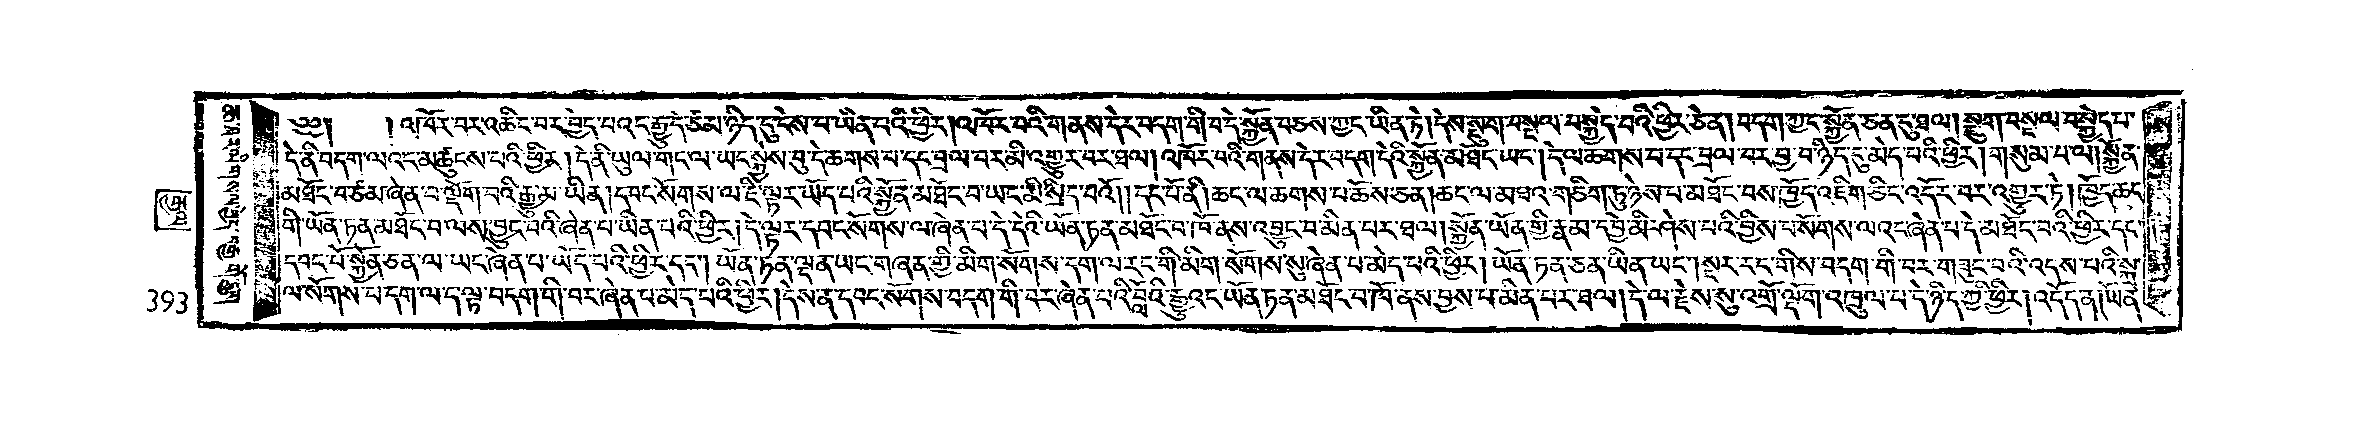༄༅། །འཁོར་བར་འཆིང་བར་བྱེད་པའང་རྒྱུ་དེ་ཙམ་ཉིད་དུ་ངེས་པ་ཡིན་པའི་ཕྱིར། འཁོར་བའི་གནས་དེར་བདག་གི་བ་དེ་སྐྱོན་བཅས་ཀྱང་ཡིན་ཏེ། དེས་སྡུག་བསྔལ་བསྐྱེད་བའི་ཕྱིར་ཅེ་ན། བདག་ཀྱང་སྐྱོན་ཅན་དུ་ཐལ། སྡུག་བསྔལ་བསྐྱེད་པ་
དེ་ནི་བདག་ལའང་མཚུངས་པའི་ཕྱིར། དེ་ནི་ཡུལ་གང་ལ་ཡང་སྐྱེས་བུ་དེ་ཆགས་པ་དང་བྲལ་བར་མི་འགྱུར་བར་ཐལ། འཁོར་བའི་གནས་དེར་བདག་དེའི་སྐྱོན་མཐོང་ཡང་། དེ་ལ་ཆགས་པ་དང་བྲལ་བར་བྱ་བ་ཉིད་དུ་མེད་པའི་ཕྱིར། གསུམ་པ་ལ། སྐྱོན་
མཐོང་བ་ཙམ་ཞེན་པ་ལྡོག་བའི་རྒྱུ་མ་ཡིན། དབང་སོགས་ལ་ཇི་ལྟར་ཡོད་པའི་སྐྱོན་མཐོང་བ་ཡང་མི་སྲིད་པའོ། །དང་པོ་ནི། ཆང་ལ་ཆགས་པ་ཆོས་ཅན། ཆད་ལ་མཐའ་གཅིག་ཏུ་ཉེས་པ་མཐོང་བས་ཁྱོད་འཇིག་ཅིང་འདོར་བར་འགྱུར་ཏེ། ཁྱོད་ཆུང་
གི་ཡོན་ཏན་མཐོང་བ་ལས་བྱུང་བའི་ཞན་པ་ཡིན་པའི་ཕྱིར། དེ་ལྟར་དབང་སོགས་ལ་ཞེན་པ་དེ་དེའི་ཡོན་ཏན་མཐོང་བ་ཁོ་ནས་འབྱུང་བ་མིན་པར་ཐལ། སྐྱོན་ཡོན་གྱི་རྣམ་དབྱེ་མི་ཤེས་པའི་བྱིས་པ་སོགས་ལའང་ཞེན་པ་དེ་མཐོང་བའི་ཕྱིར་དང་
དབང་པོ་སྐྱོན་ཅན་ལ་ཡང་ཞེན་པ་ཡོད་པའི་ཕྱིར་དང་། ཡོན་ཏན་ལྡན་ཡང་གཞན་གྱི་མིག་སོགས་དག་ལ་རང་གི་མིག་སོགས་སུ་ཞེན་པ་མེད་པའི་ཕྱིར། ཡོན་ཏན་ཅན་ཡིན་ཡང་། སྔར་རང་གིས་བདག་གི་བར་གཟུང་བའི་འདས་པའི་སྐྲ་
ལ་སོགས་པ་དག་ལ་ད་ལྟ་བདག་གི་བར་ཞེན་པ་མེད་པའི་ཕྱིར། དེས་ན་དབང་སོགས་བདག་གི་བར་ཞེན་པའི་བློའི་རྒྱུའང་ཡོན་ཏན་མཐོང་བ་ཁོ་ནས་བྱས་པ་མིན་པར་ཐལ། དེ་ལ་རྗེས་སུ་འགྲོ་ལྡོག་འཁྲུལ་པ་དེ་ཉིད་ཀྱི་ཕྱིར། འདོད་ན། ཡོན་